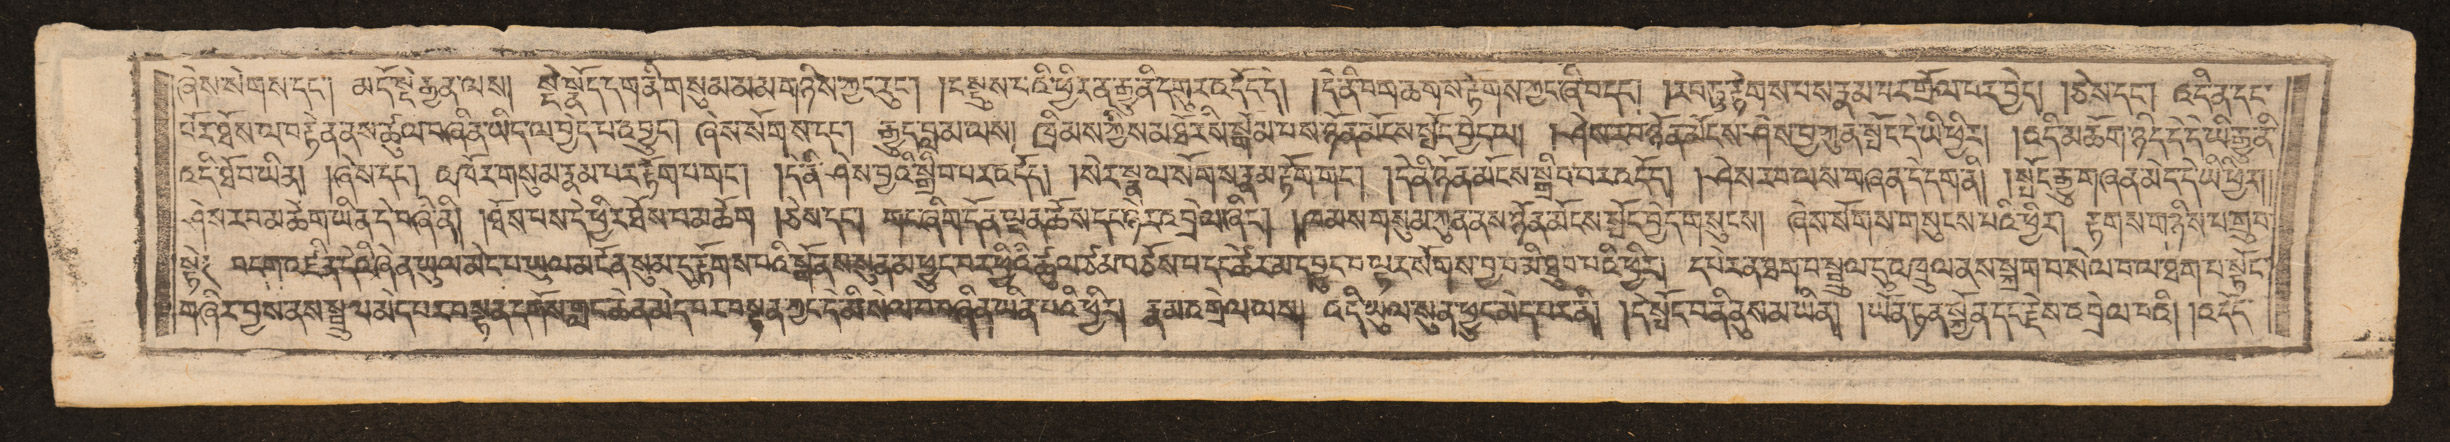ཞེས་སོགས་དང་། མདོ་སྡེ་རྒྱན་ལས། སྡེ་སྣོད་དག་ནི་གསུམ་མམ་གཉིས་ཀྱང་རུང་། །བསྡུས་པའི་ཕྱིར་ན་རྒྱུ་ནི་དགུར་འདོད་དེ། །དེ་ནི་བག་ཆགས་རྟོགས་ཀྱང་ཞིབ་དང་། །རབ་ཏུ་རྟོགས་པས་རྣམ་པར་གྲོལ་བར་བྱེད། །ཅེས་དང་། འདི་ན་དང་
པོར་ཐོས་ལ་བརྟེན་ནས་ཚུལ་བཞིན་ཡིད་ལ་བྱེད་པ་འབྱུང་། ཞེས་སོགས་དང་། རྒྱུད་བླ་མ་ལས། ཁྲིམས་ཀྱིས་མཐོ་རིས་སྒོམ་པས་ཉོན་མོངས་སྤོང་བྱེད་ལ། །ཤེས་རབ་ཉོན་མོངས་ཤེས་བྱ་ཀུན་སྤོང་དེ་ཡི་ཕྱིར། །འདི་མཆོག་ཉིད་དེ་དེ་ཡི་རྒྱུ་ནི་
འདི་ཐོབ་ཡིན། །ཞེས་དང་། འཁོར་གསུམ་རྣམ་པར་རྟོག་པ་གང་། །དེ་ནི་ཤེས་བྱའི་སྒྲིབ་པར་འདོད། །སེར་སྣ་ལ་སོགས་རྣམ་རྟོག་གང་། །དེ་ནི་ཉོན་མོངས་སྒྲིབ་པར་འདོད། །ཤེས་རབ་ལས་གཞན་དེ་དག་ནི། །སྤོང་རྒྱུ་གཞན་མེད་དེ་ཡི་ཕྱིར།
ཤེས་རབས་ཆོག་ཡིན་དེ་བཞི་ནི། །ཐོས་པས་དེ་ཕྱིར་ཐོས་པ་མཆོག །ཅེས་དང་། གང་ཞིག་དོན་ལྡན་ཆོས་དང་ཉེར་འབྲེལ་ཞིང་། །ཁམས་གསུམ་ཀུན་ནས་ཉོན་མོངས་སྤོང་བྱེད་གསུངས། ཞེས་སོགས་གསུངས་པའི་ཕྱིར། རྟགས་གཉིས་པ་གྲུབ་
སྟེ༑ བདག་འཛིན་དེའི་ཞེན་ཡུལ་མེད་པ་ཡུལ་མངོན་སུམ་དུ་རྟོགས་པའི་སྒོ་ནས་སུན་མ་ཕྱུང་བར་ཕྱིའི་ཚུལ་ཙམ་བཅོས་པ་དང་ཚེར་མ་དབྱུང་བ་ལྟར་སོགས་བྱ་བ་མི་ཐུབ་པའི་ཕྱིར། དཔེར་ན་ཐག་བ་སྤྲུལ་དུ་འཁྲུལ་ནས་སྐྲག?་པ་སེལ་བ་ལ་ཐག་པ་སྟོང་
གཞིར་བྱས་ནས་སྤྲུལ་མེད་པར་བསྟན་དགོས་གླང་ཆེན་མེད་པར་བསྟན་ཀྱང་དེ་མི་སེལ་བ་བཞིན་ཡིན་པའི་ཕྱིར། རྣམ་འགྲེལ་ལས། འདི་ཡུལ་སུན་ཕྱུང་མེད་པར་ནི། །དེ་སྤོང་བ་ནི་ནུས་མ་ཡིན། །ཡོན་ཏན་སྐྱོན་དང་རྗེས་འབྲེལ་བའི། །འདོད་